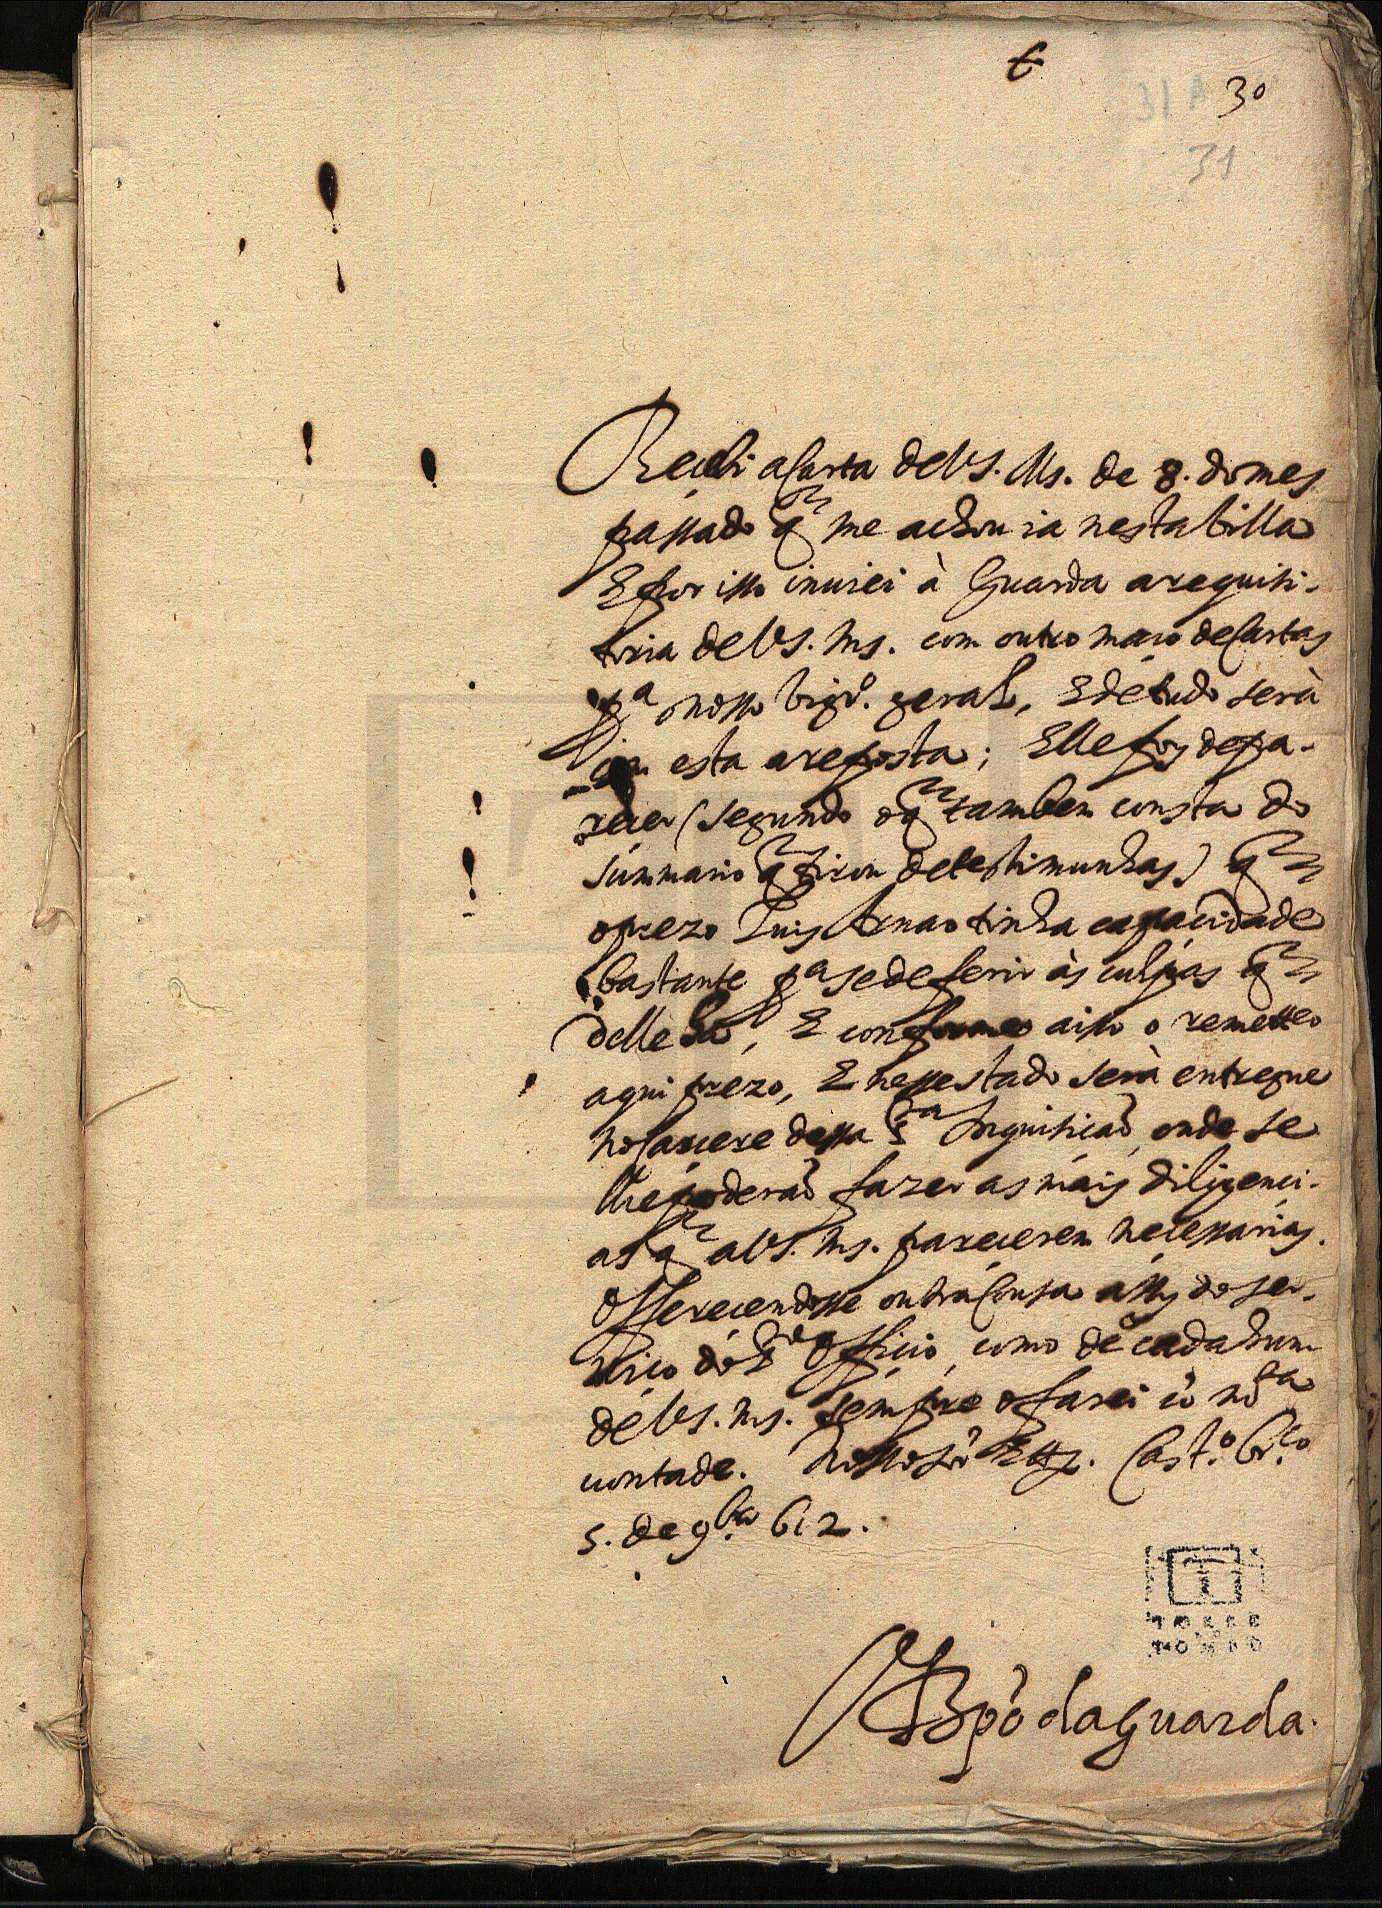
Recebi a Carta de VS. Ms. de 8. do mes
passado q̄ me achou ia nesta villa
E por isso inuiei à Guarda a requisi
toria de Vs. ms. com outro maço de Cartas
ꝑa o nosso Vigr.o geral, E de tudo serà
_ esta a reposta; Elle foy de pa
recer (segundo o q̄ tambem consta do
summario q̄ tirou de testimunhas) q̄
o prezo Luis Arnao tinha capacidade
bastante ꝑa se deferir às culpas q̄
delle ha, E conforme a isso o remetteo
aqui prezo, E nesse stado serà entregue
no Carcere dessa sta Inquisiçaõ, onde se
lhe poderaõ fazer as mais diligenci
as q̄ a Vs. ms. parecerem necessarias
offerecendosse outra Cousa assy do ser
uiço do sto Officio, como de cada hum
de Vs. ms. sempre o farei cō mta
uontade. Nosso sor̄ Ettꝭ. Cast.o br.co
5. de 9.bro 612.
O Bpō da Guarda.
